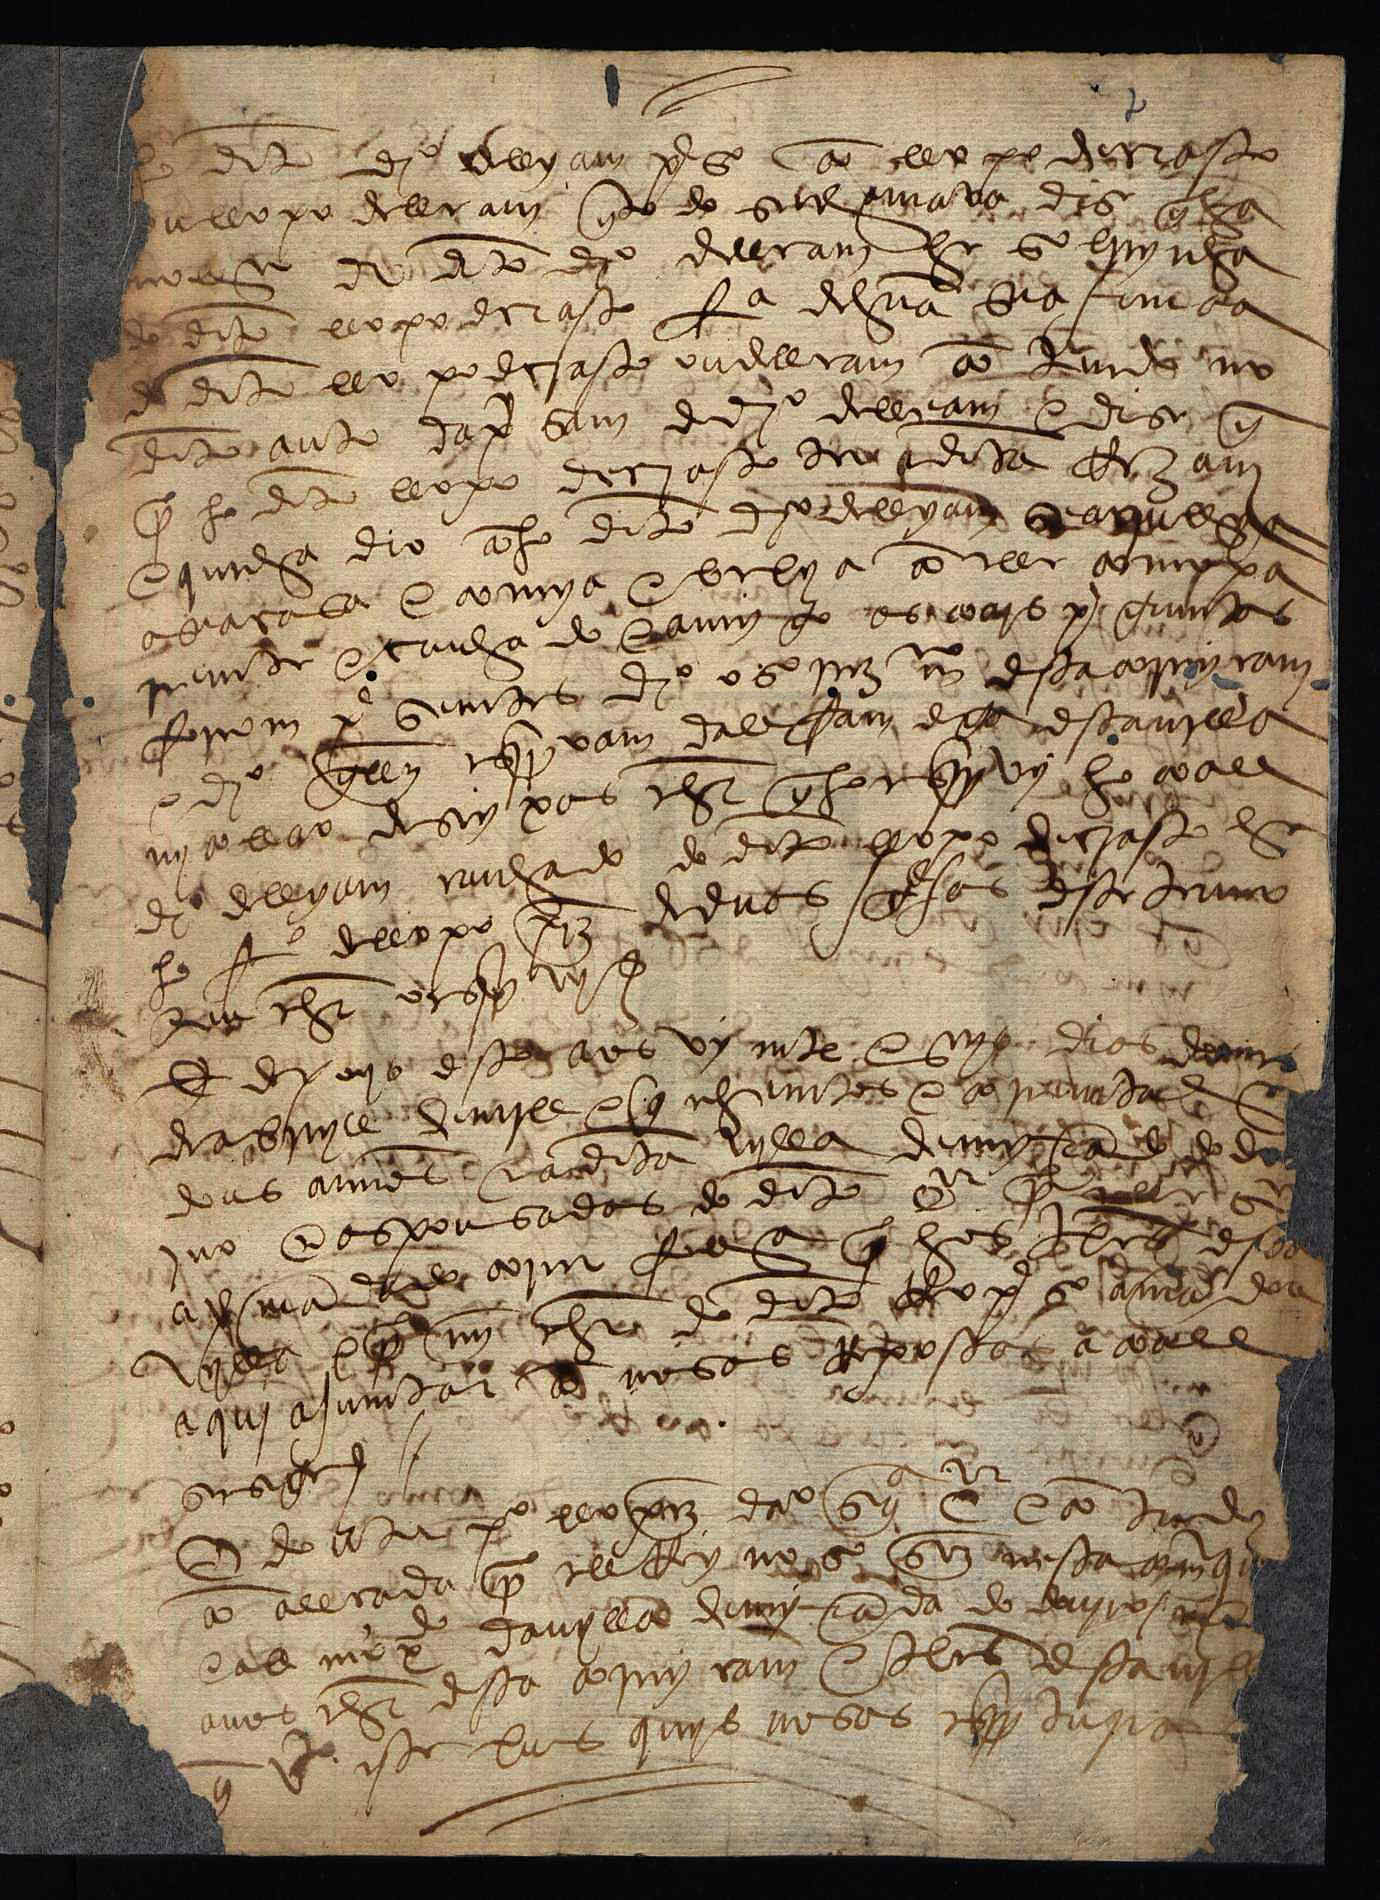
ho dito djo de llyam p̄so c̄o elle po de crasto
u llopo de lleam q̄ todo se chamava dise q̄ ha
molher do dito djo de lleam he sobrynha
do dito llopo de crasto fa de hūa sua Jrmaa
do dito llopo de crasto ou de lleam c̄oteudo no
dito auto da p̄sam de djo de lleam e dise q̄
p̄o ho dito llopo de crasto ter a dita Rezam
e qunhadio c̄o ho dito djo de llyam se aqulhya
a sua casa e comya e bebya c̄o elle como pa
remte e cunhado e amygo as coajs p̄gumtas
forom p̄semtes djo osorrez mro desta comyçam
e djo ḡllz esp̄vam dallfamdega desta ujlla
nycollao de seyxas c̄hr q̄ ho esp̄vy ho coall
djo de llyam cunhado do dito llopo de crasto he
ho fo de llopo p̄iz de duas JḡJas deste termo
e eu c̄hr o esp̄vy
E depoys desto aos vymte e seys dias do mes
de abryll de mjll e q̄nhemtos e coremta he
dous annos ē a dita vylla de myrādo do do
ruo ē as pousadas do dito Cor p̄o elle Cor
aꝟ mādado corer folha p̄o hos tb̄es desta
vylla e p̄o m̄j c̄hr do dito Reo p̄so a mādou
aquj aJumtar c̄o nosas Repostas a coall
se sege
O doutor po llopez daoseq̄a Cor e c̄otador
c̄o allçada p̄o ell Rey noso s̄or nesta com̄qu
e allmoxdo da uylla de myrāda do douro / mā
a uos c̄hr desta comycam e tbēs desta ujll
q̄ vto este busqueys uosas esp̄turas
